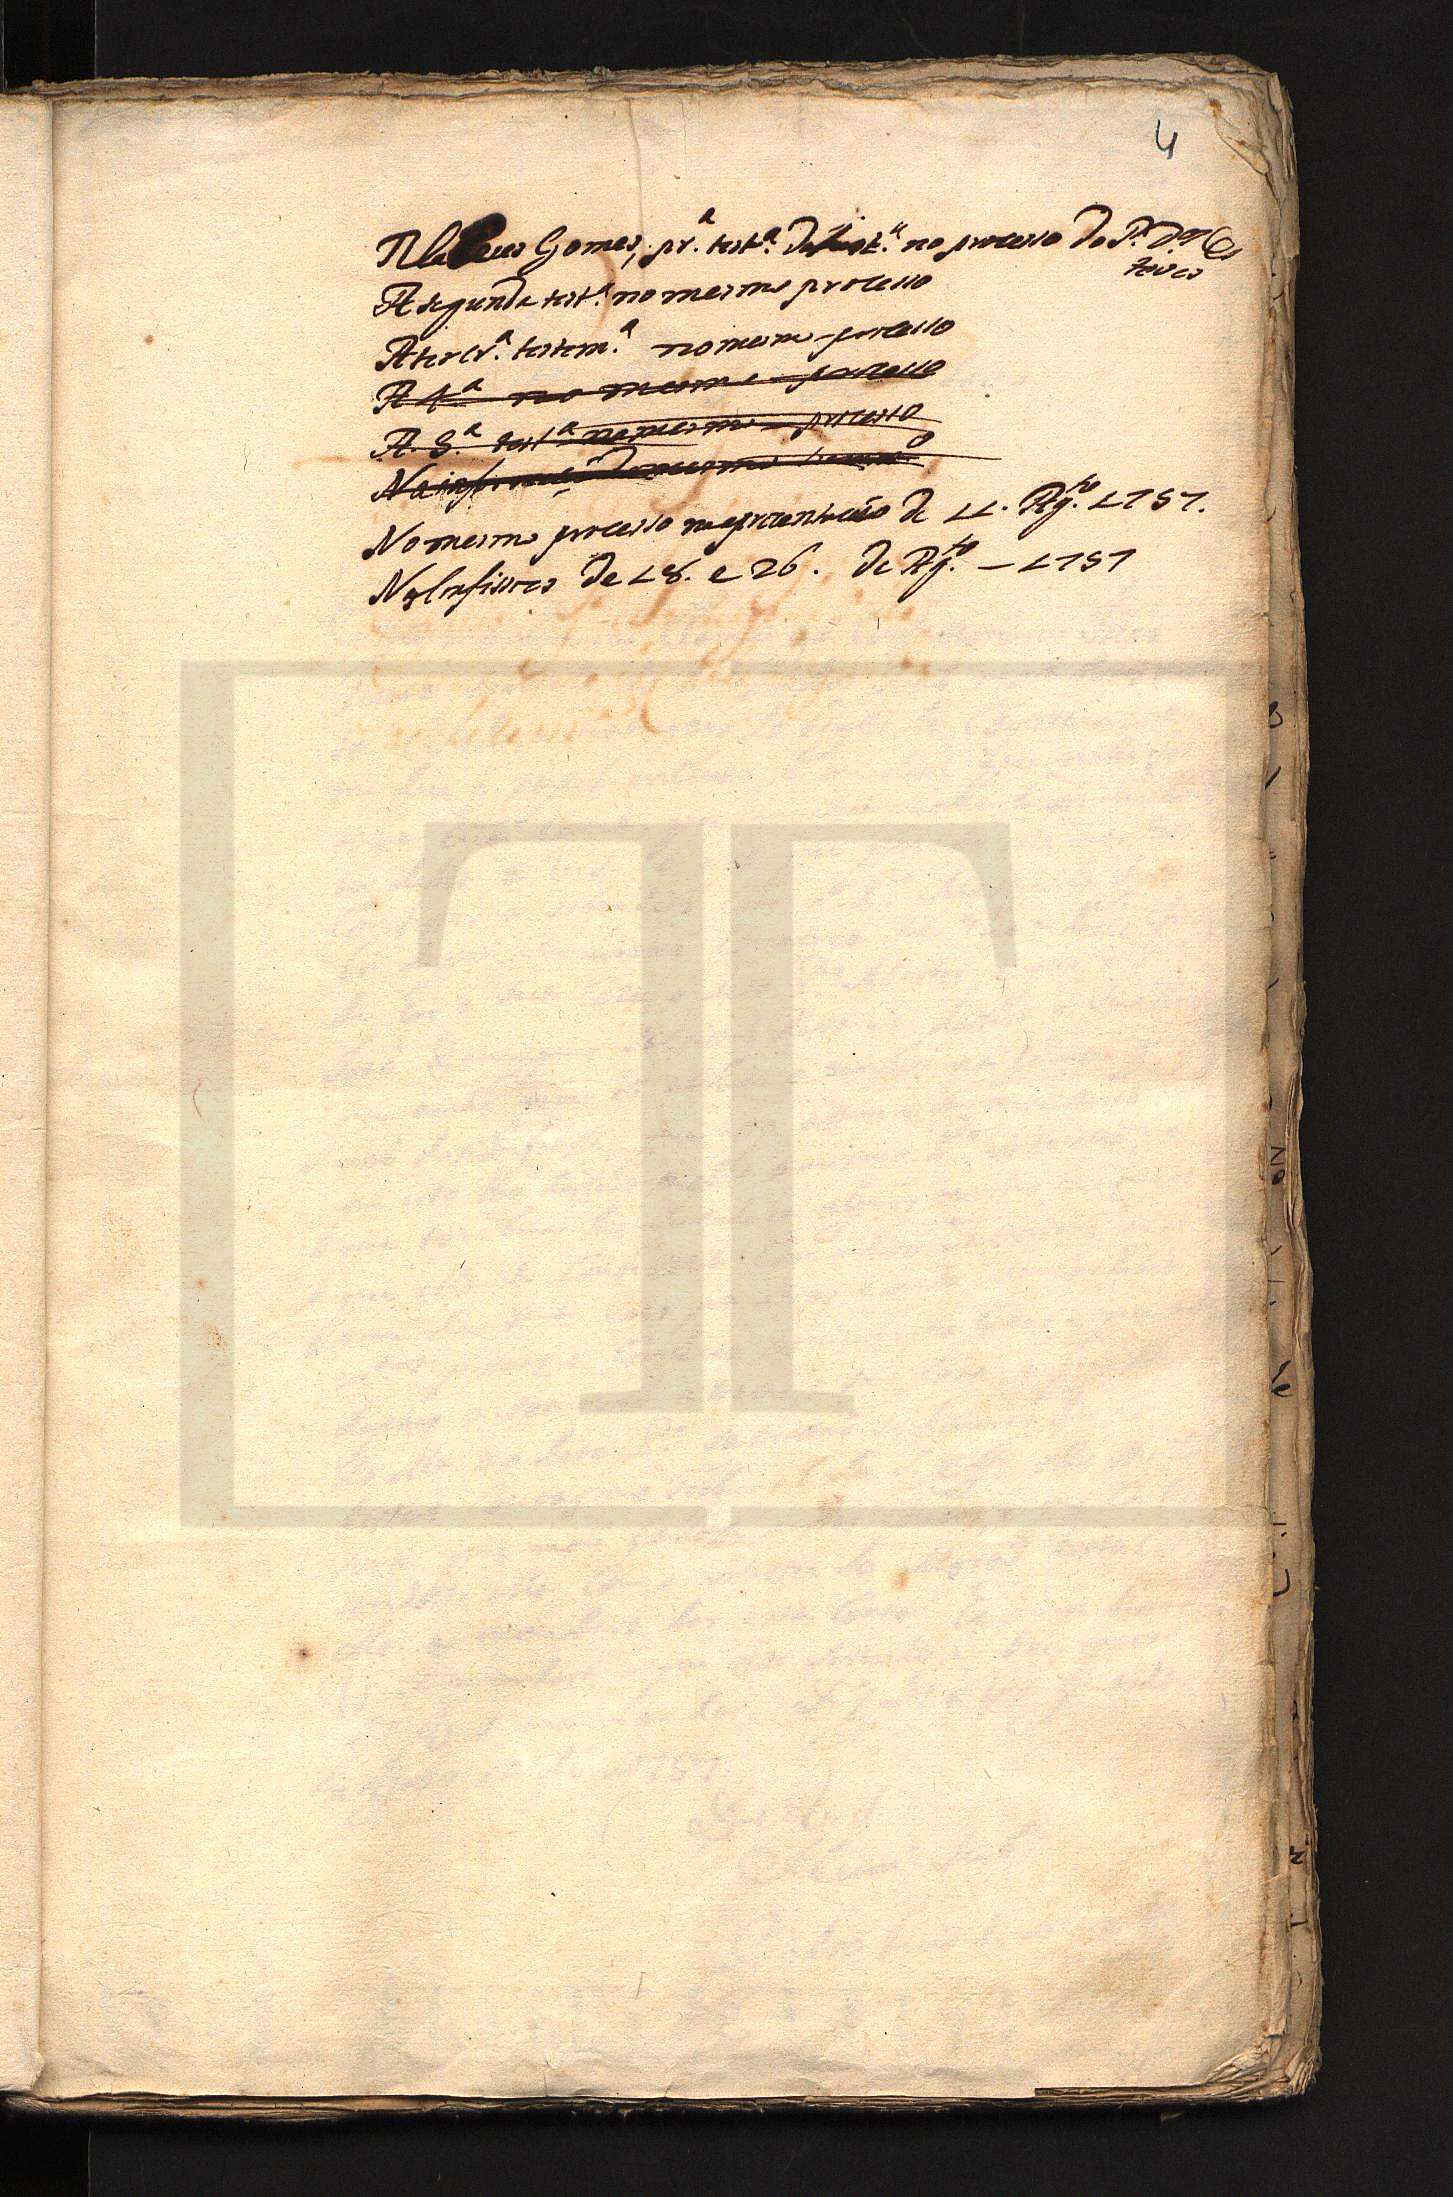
Ma_eus Gomes, pr.a test.a da Iust.a no processo do P. d.os Es
teves
A segunda test.a no mesmo processo
A tercr.a testem.a no mesm- porcesso
A 4a no mesmo porcesso
A 5.a testa no mesmo processo
No mesmo processo na aprezentação de 11. Ag.to 1757.
Nas Confissoes de 18. e 26. de Ag.to - 1757
